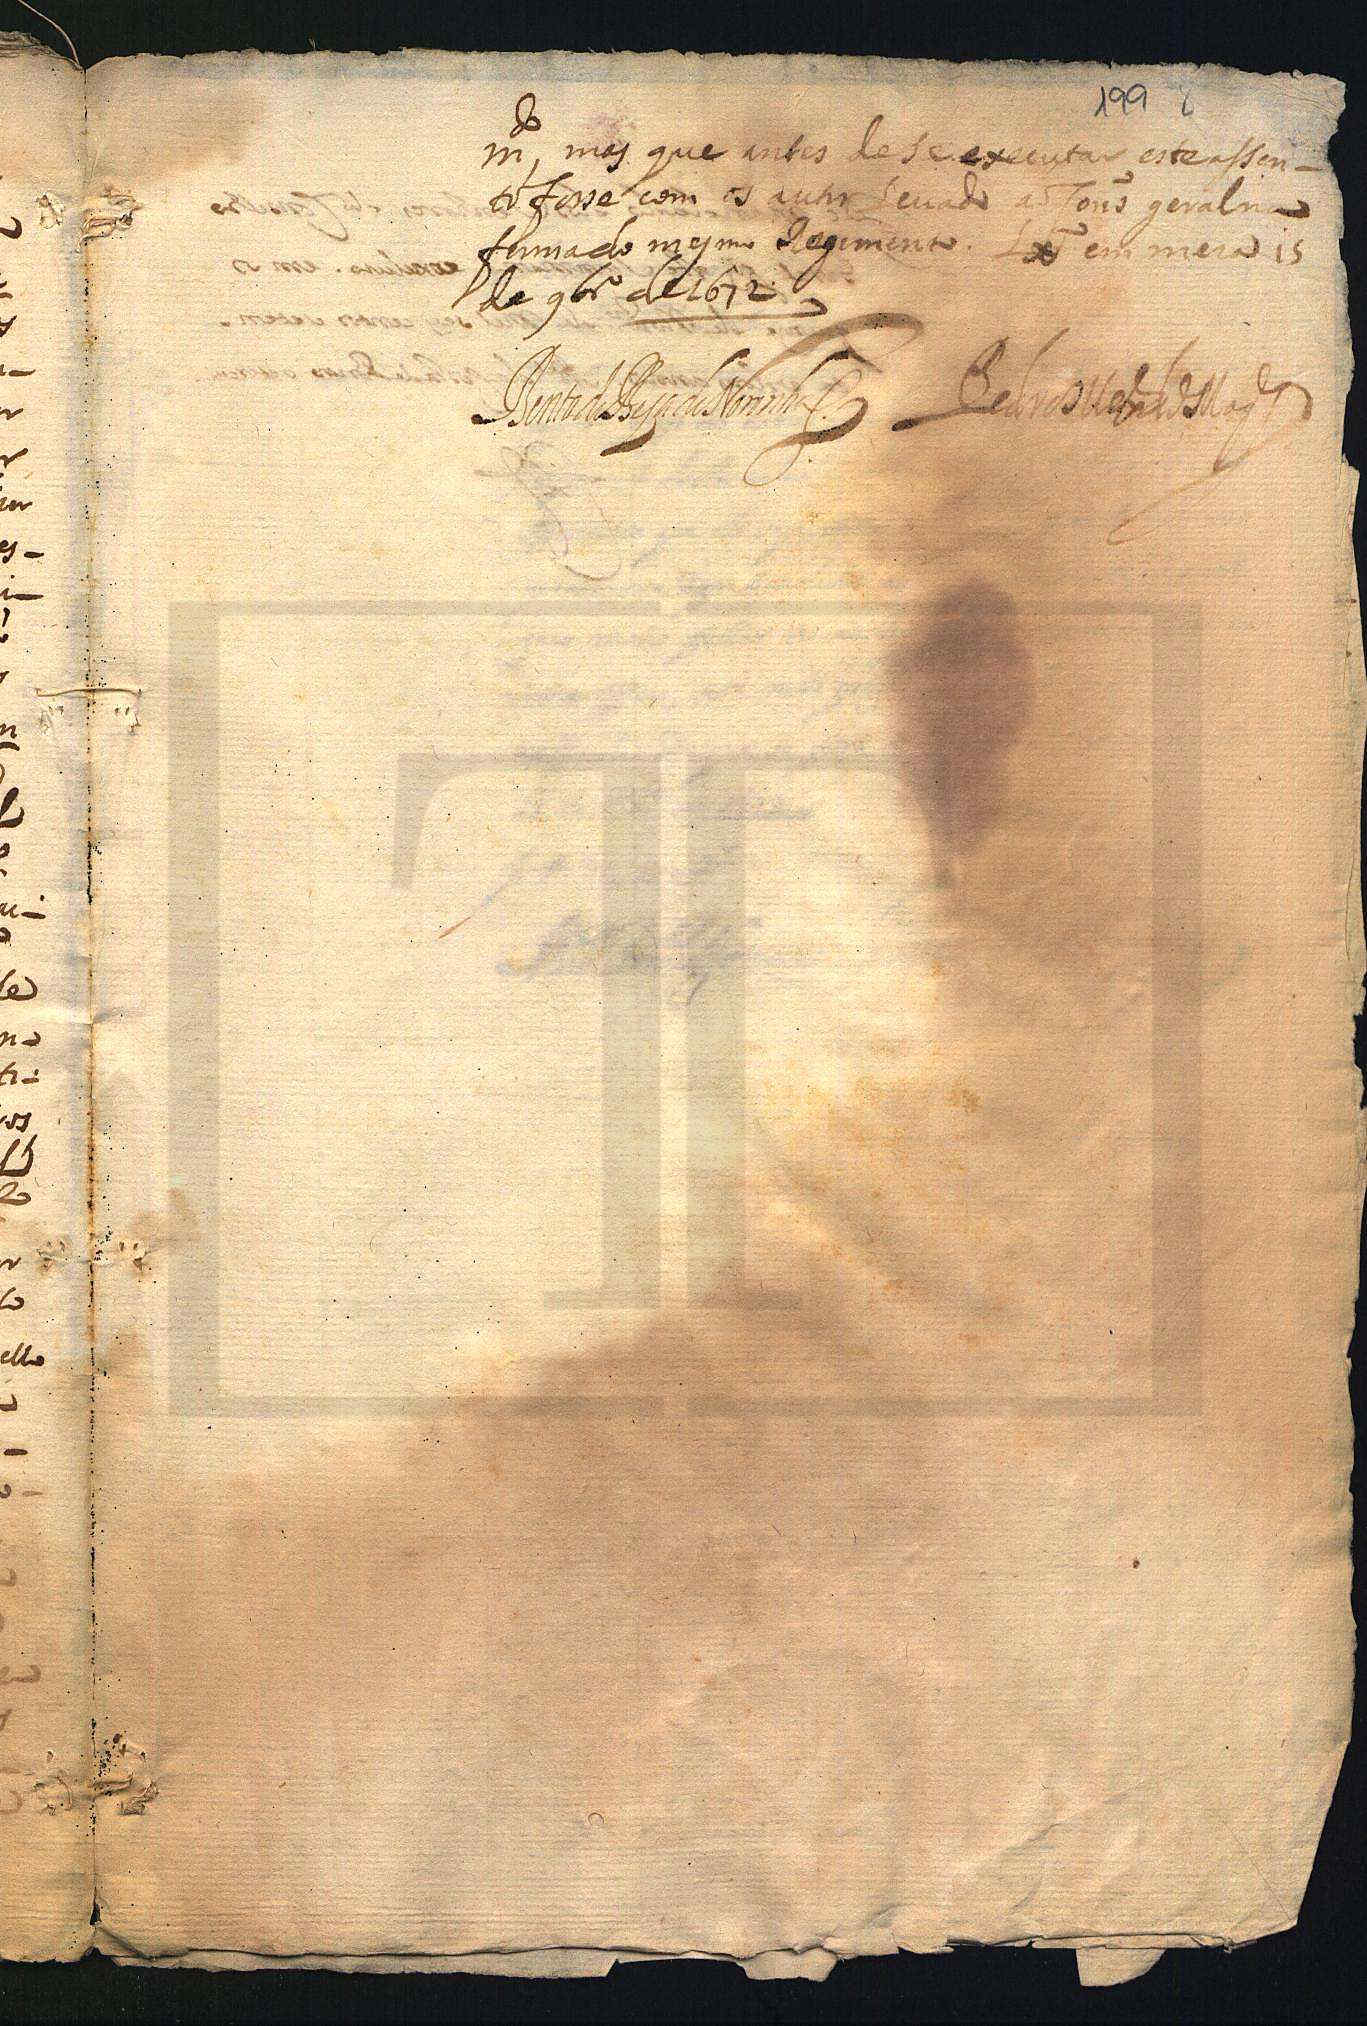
m.do, mas que antes de se executar este assen
to fosse com os autos Leuado ao Conso geral na
forma do mesmo Regimento. Lxa em meza 15
de 9bro de 1672.
Pedro Mexa de Mages
Bento de Beja de Noronha
